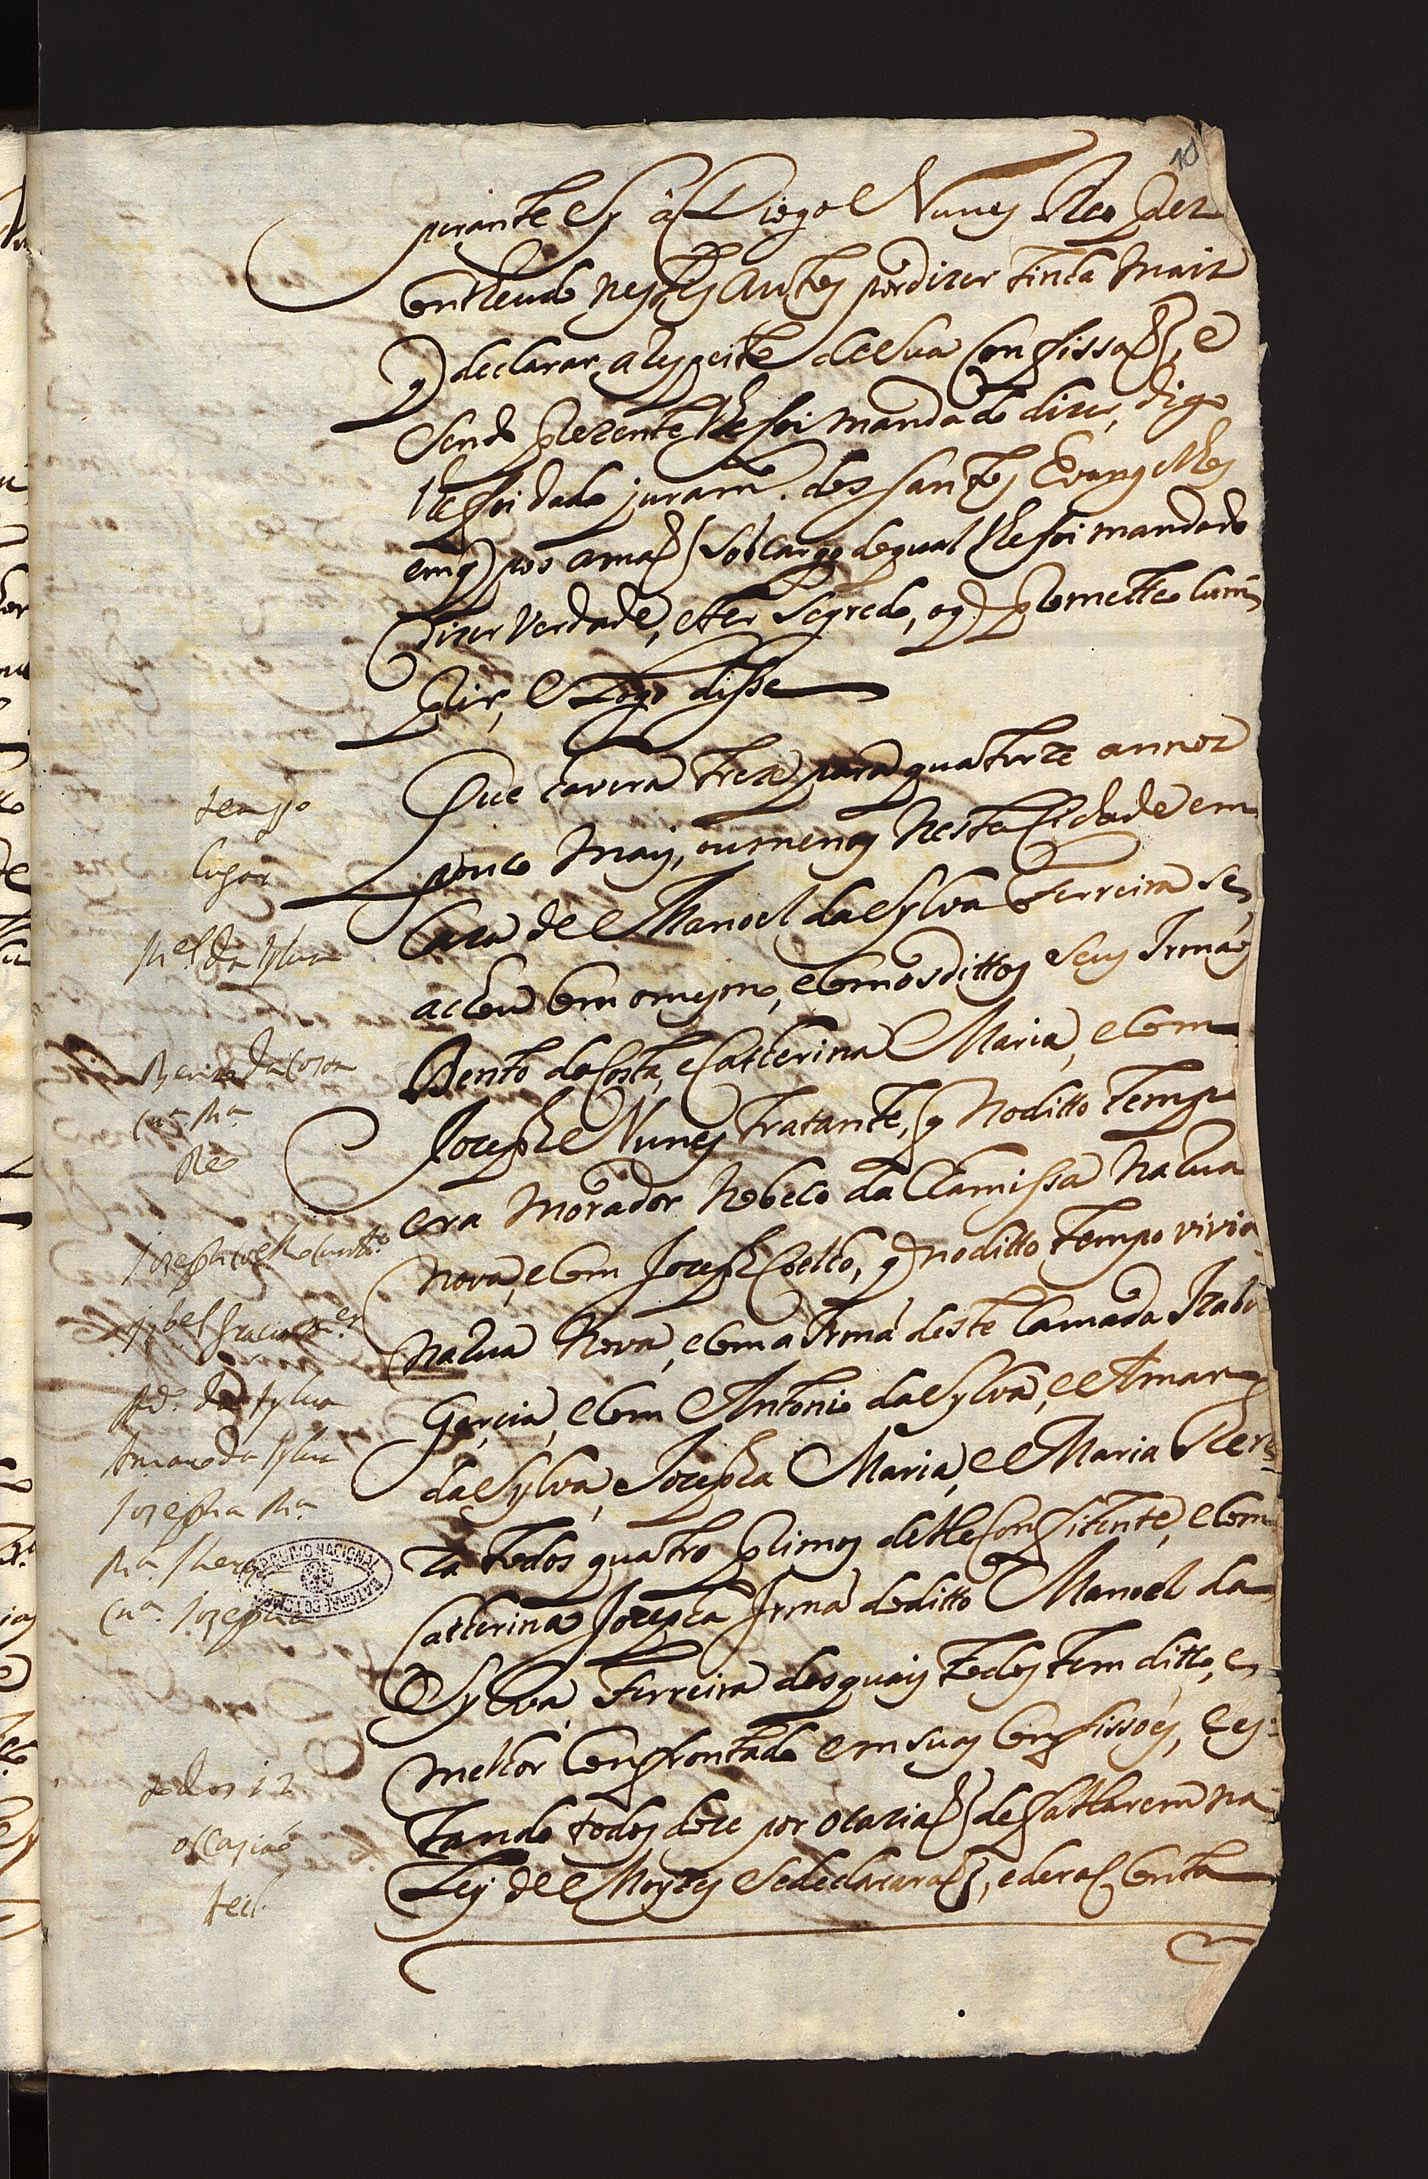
perante sy â Diogo Nunes Reo prezo
Contheudo nestes autos por dizer tinha maiz
q̄ declarar a respeito de Sua Confissaõ, e
Sendo prezente lhe foi mandado dizer, digo
lhe foi dado juram.to dos Santos Evangelhos
em q̄ pos a maõ sob cargo do qual lhe foi mandado
dizer Verdade, e ter segredo, o q̄ prometteo cum
prir, e Logo disse
Que havera treze para quatorze annos
pouco mais, ou menos nesta Cidade em
Caza de Manoel da Sylva Ferreira se
achou Com o mesmo, e Com os dittos seus Jrmãos
Bento da Costa, e Catherina Maria, e com
Jozeph Nunes tratante, q̄ no ditto temp
era morador no beco da Chamissa na Rua
Nova, e com Jozeph Coelho, q̄ no ditto tempo vivia
na Rua Nova, e com a Jrmã deste Camada Jzab
Garçia, e Com Antonio da Sylva, e Amaro
da Sylva, Jozepha Maria, e Maria Ther
za todos quatro primos delle Confitente, e com
Catherina Jozepha Jrmã do ditto Manoel da
Sylva Ferreira dos quais todos tem ditto, e
melhor Confrontado em suas Confissões, e es
tando todos doze por ocaziaõ de fallarem na
Ley de Moyzes Se declararaõ, e deraõ Conta
